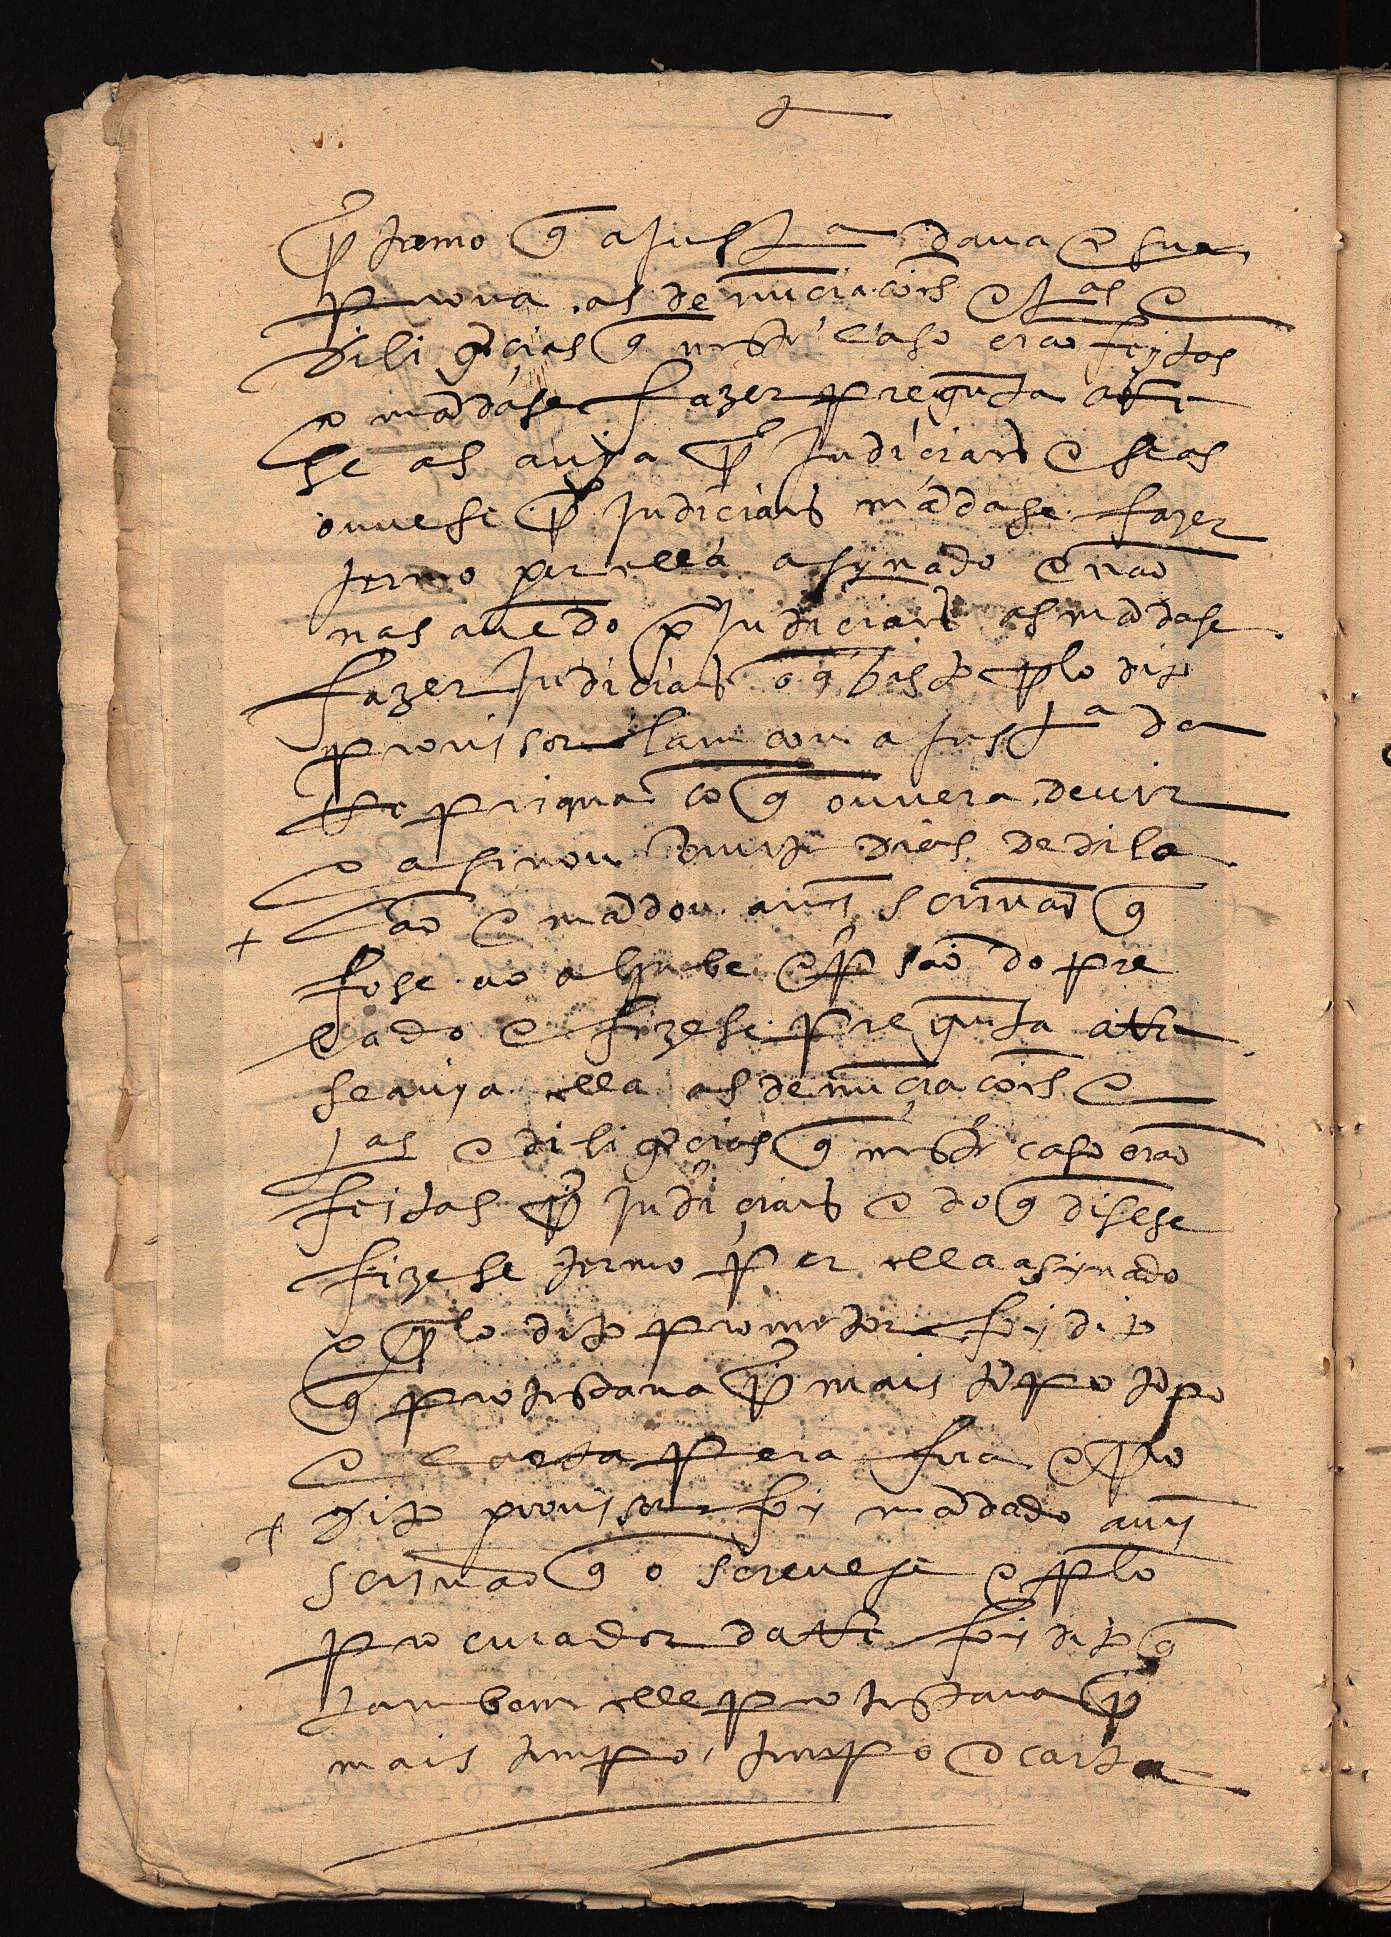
p̄o termo q̄ a Justa daua ē sua
proua as den̄uçiações e tas e
diligēçias q̄ neste caso erão feytas
e mādase fazer preḡuta a Re
se as auya p̄o Judiçiaes e se as
ouuese p̄o Judiçiaes mādase fazer
termo per ella asynado e não
nas aūendo p̄o Judiçiaes as mādase
fazer Judiçiaes o q̄ visto p̄lo dito
prouisor lamcou a Justa da
Repriqua c̄o q̄ ouuera de uir
e asinou vimte dias de dila
Ção e mādou a mī scriuão q̄
fose ao aljube e p̄são do pre
lado e fizese preḡuta a Re
se auya ella as den̄uçiações e
tas e diligēçias q̄ neste caso erão
feitas p̄o judiçiaes e do q̄ disese
fizese termo per ella asynado
e p̄lo dito prometor foy dito
q̄ protestaua p̄o mais tēpo tēpo
e carta pera fora e p̄lo
dito prouisor foy mādado a mj̄
scriuão q̄ o screuese e p̄lo
procurador da Re foy dito q̄
tambem elle protestaua p̄o
mais tempo / tempo e carta
